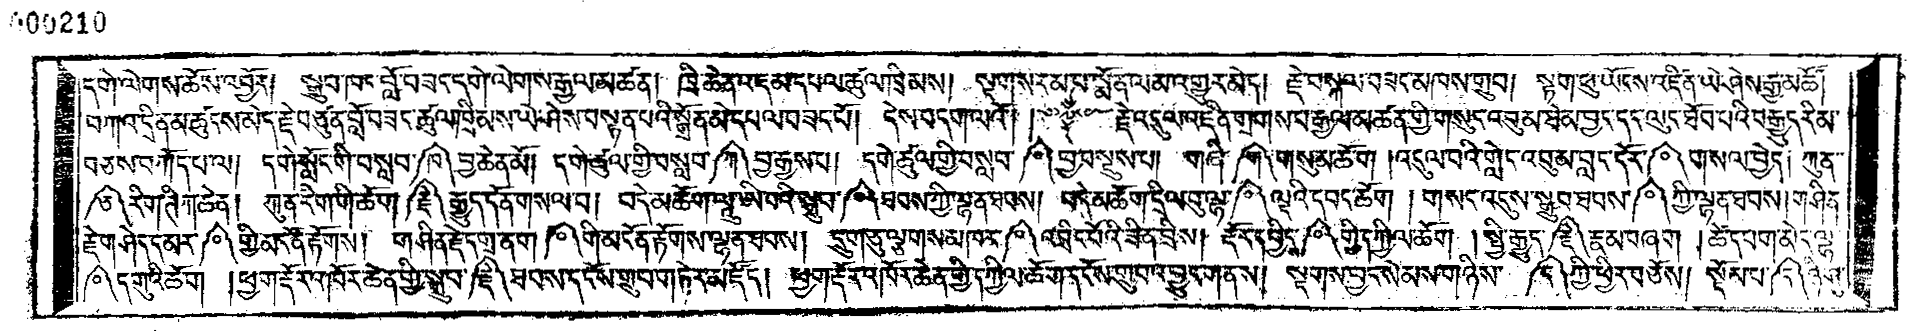དགེ་ལེགས་ཆོས་འབྱོར། སྒྲུབ་ཁང་བློ་བཟང་དགེ་ལེགས་རྒྱལ་མཚན། ཁྲི་ཆེན་འཇམ་དཔལ་ཚུལ་ཁྲིམས། སྔགས་རམ་པ་སྨོན་ལམ་འགྱུར་མེད། རྗེ་བསྐལ་བཟང་མཁས་གྲུབ། སྟག་ཕུ་ཡོངས་འཛིན་ཡེ་ཤེས་རྒྱ་མཚོ།
བཀའ་དྲིན་མཚུངས་མེད་རྗེ་བཙུན་བློ་བཟང་ཚུལ་ཁྲིམས་ཡེ་ཤེས་བསྟན་པའི་སྒྲོན་མེ་དཔལ་བཟང་པོ། དེས་བདག་ལའོ། །?  རྗེ་འདུལ་འཛིན་གྲགས་པ་རྒྱལ་མཚན་གྱི་གསུང་འབུམ་ཐེམ་བྱང་དང་ལུང་ཐོབ་པའི་བརྒྱུད་རིམ་
བཅས་བཀོད་པ་ལ། དགེ་སློང་གི་བསླབ ༼ཁ༽ བྱ་ཆེན་མོ། དགེ་ཚུལ་གྱི་བསླབ ༼ཀ༽ བྱ་རྒྱས་པ། དགེ་ཚུལ་གྱི་བསླབ ༼྾༽ བྱ་བསྡུས་པ། གཞི ༼ག༽ གསུམ་ཆོ་ག །འདུལ་བའི་གླེང་འབུམ་བླང་དོར ༼྾༽ གསལ་བྱེད། ཀུན་
༼ཅ༽ རིག་ཊིཀ་ཆེན། ཀུན་རིག་གི་ཆོ་ག ༼རྗེ༽ རྒྱུད་དོན་གསལ་བ། བདེ་མཆོག་ལཱུ་ཨི་བའི་སྒྲུབ ༼྾༽ ཐབས་ཀྱི་ལྷན་ཐབས། བདེ་མཆོག་དྲིལ་བུ་ལྷ ༼྾༽ ལྔའི་དབང་ཆོག །གསང་འདུས་སྒྲུབ་ཐབས ༼྾༽ ཀྱི་ལྷན་ཐབས། གཤིན་
རྗེ་གཤེད་དམར ༼྾༽ གྱི་མངོན་རྟོགས། གཤིན་རྗེ་དགྲ་ནག ༼྾༽ གི་མངོན་རྟོགས་ལྷན་ཐབས། དྲུག་ཅུ་ལྕགས་མཁར ༼྾༽ འབྲིང་པོའི་ཟིན་བྲིས། རྡོར་དབྱིངས ༼྾༽ གྱི་དཀྱིལ་ཆོག །སྤྱི་རྒྱུད ༼རྗེ༽ རྣམ་བཞག །ཚེ་དཔག་མེད་ལྷ་
༼྾༽ དགུའི་ཆོག །ཕྱག་རྡོར་འཁོར་ཆེན་གྱི་སྒྲུབ ༼རྗེ༽ ཐབས་དངོས་གྲུབ་གཏེར་མཛོད། ཕྱག་རྡོར་འཁོར་ཆེན་གྱི་དཀྱིལ་ཆོག་དངོས་གྲུབ་འབྱུང་གནས། སྔགས་བྱང་སེམས་གཉིས ༼ང༽ ཀྱི་ཕྱིར་བཅོས། སྡོམ་པ ༼ད༽ ཉི་ཤུ་